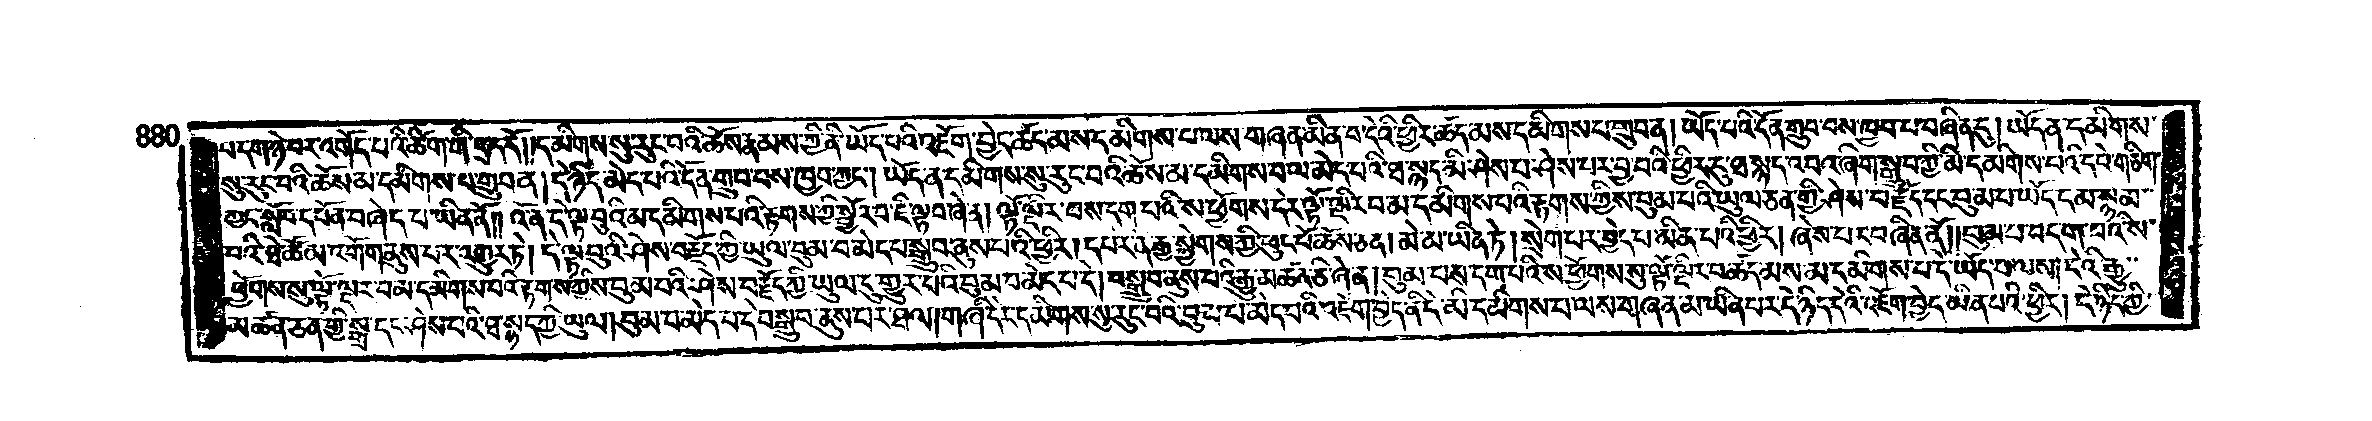བདག་ཉེ་བར་འགོད་པའི་ཚིག་གི་ཕྲད་དོ། །དམིགས་སུ་རུང་བའི་ཆོས་རྣམས་ཀྱི་ནི་ཡོད་པའི་འཇོག་བྱེད་ཚད་མས་དམིགས་པ་ལས་གཞན་མིན་པ་དེའི་ཕྱིར་ཚད་མས་དམིགས་པ་གྲུབ་ན། ཡོད་པའི་དོན་གྲུབ་པས་ཁྱབ་པ་བཞིན་དུ། ཡོད་ན་དམིགས་
སུ་རུང་བའི་ཆོས་མ་དམིགས་པ་གྲུབ་ན། དེ་ཉིད་མེད་པའི་དོན་གྲུབ་པས་ཁྱབ་ཀྱང་། ཡོད་ན་དམིགས་སུ་རུང་བའི་ཆོས་མ་དམིགས་པ་ལ་མེད་པའི་ཐ་སྙད་མི་ཤེས་པར་བྱ་བའི་ཕྱིར་དུ་ཐའ་སྙད་འབའ་ཞིག་སྒྲུབ་ཀྱི་མི་དམིགས་པའི་དཔེ་གཅིག་
ཀྱང་སློབ་དཔོན་བཞེད་པ་ཡིན་ནོ། །འོ་ན་དེ་ལྟ་བུའི་མ་དམིགས་པའི་རྟགས་ཀྱི་སྦྱོར་བ་ཇི་ལྟ་བ་ཞེ་ན། ལྟོ་ལྡིར་བས་དག་པའི་ས་ཕྱོགས་དེར་ལྟོ་ལྡིར་བ་མ་དམིགས་པའི་རྟགས་ཀྱིས་བུམ་པའི་ཡུལ་ཅན་གྱི་ཤེས་བརྗོད་དང་བུམ་པ་ཡོད་དམ་སྙམ་
པའི་ཐེ་ཚོམ་འགོག་ནུས་པར་འགྱུར་ཏེ། དེ་ལྟ་བུའི་ཤེས་བརྗོད་ཀྱི་ཡུལ་བུམ་པ་མེད་པ་སྒྲུབ་ནུས་པའི་ཕྱིར། དཔེར་ན་རྒྱ་སྐྱེགས་ཀྱི་ཕུང་པོ་ཆོས་ཅན། མེ་མ་ཡིན་ཏེ། སྲེག་པར་བྱེད་པ་མིན་པའི་ཕྱིར། ཞེས་པ་བཞིན་ནོ། །བུམ་པ་བདག་པའི་ས་
ཕྱོགས་སུ་ལྟོ་ལྡིར་བ་མ་དམིགས་པའི་རྟགས་ཀྱིས་བུམ་པའི་ཤེས་བརྗོད་ཀྱི་ཡུལ་དུ་གྱུར་པའི་བུམ་པ་མེད་དེ། བསྒྲུབ་ནུས་པའི་རྒྱུ་མཚན་ཅི་ཞེ་ན། བུམ་པས་དག་པའི་ས་ཕྱོགས་སུ་ལྟོ་ལྡིར་བ་ཚད་མས་མ་དམིགས་པ་དེ་ཡོད་པ་ལས། དེའི་རྒྱུ་
མཚན་ཅན་གྱི་སྒྲ་དང་ཤེས་པའི་ཐ་སྙད་ཀྱི་ཡུལ། བུམ་པ་མེད་པ་དེ་བསྒྲུབ་ནུས་པར་ཐལ། གཞི་དེར་དམིགས་སུ་རུང་བའི་བུམ་པ་མེད་པའི་འཇོག་བྱེད་ནི་དེ་མི་དམིགས་པ་ལས་གཞན་མ་ཡིན་པར་དེ་ཉིད་དེའི་འཇོག་བྱེད་མིན་པའི་ཕྱིར། དེ་ཉིད་ཀྱི་